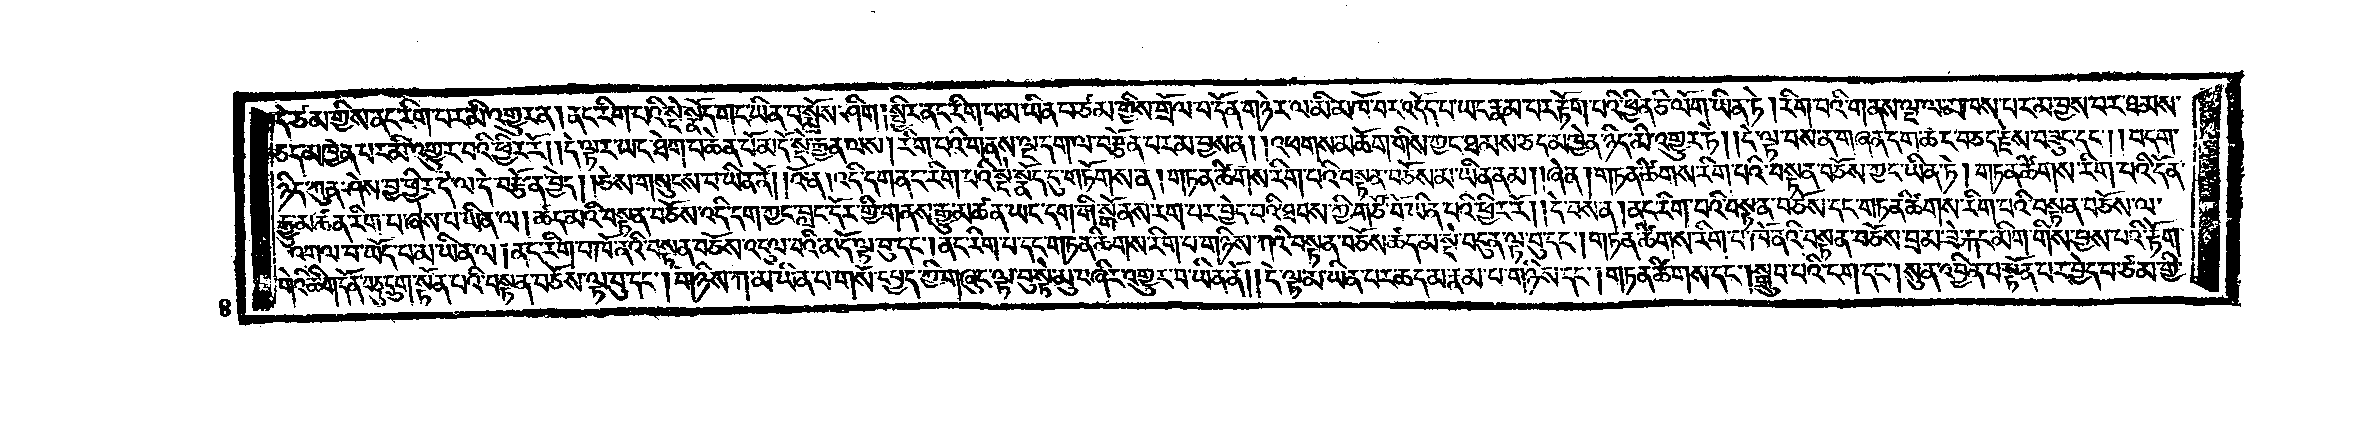དེ་ཙམ་གྱིས་ནང་རིག་པར་མི་འགྱུར་ན། ནང་རིག་པའི་སྡེ་སྣོད་གང་ཡིན་པ་སྨྲོས་ཤིག །སྤྱིར་ནང་རིག་པ་མ་ཡིན་པ་ཙམ་གྱིས་གྲོལ་བ་དོན་གཉེར་ལ་མི་མཁོ་བར་འདོད་པ་ཡང་རྣམ་པར་རྟོག་པའི་ཕྱིན་ཅི་ལོག་ཡིན་ཏེ། རིག་པའི་གནས་ལྔ་ལ་མཁས་པར་མ་བྱས་པར་ཐམས་
ཅད་མཁྱེན་པར་མི་འགྱུར་བའི་ཕྱིར་རོ། །དེ་ལྟར་ཡང་ཐེག་པ་ཆེན་པོ་མདོ་སྡེ་རྒྱན་ལས། རིག་པའི་གནས་ལྔ་དག་ལ་བརྩོན་པར་མ་བྱས་ན། །འཕགས་མཆོག་གིས་ཀྱང་ཐམས་ཅད་མཁྱེན་ཉིད་མི་འགྱུར་ཏེ། །དེ་ལྟ་བས་ན་གཞན་དག་ཚར་བཅད་རྗེས་བཟུང་དང་། །བདག་
ཉིད་ཀུན་ཤེས་བྱ་ཕྱིར་དེ་ལ་དེ་བརྩོན་བྱེད། །ཅེས་གསུངས་པ་ཡིན་ནོ། །འོ་ན། འདི་དག་ནང་རིག་པའི་སྡེ་སྣོད་དུ་གཏོགས་ན། གཏན་ཚིགས་རིག་པའི་བསྟན་བཅོས་མ་ཡིན་ནམ། །ཞེ་ན། གཏན་ཚིགས་རིག་པའི་བསྟན་བཅོས་ཀྱང་ཡིན་ཏེ། གཏན་ཚིགས་རིག་པའི་དོན་
རྒྱུ་མཚན་རིག་པ་ཞེས་པ་ཡིན་ལ། ཚད་མའི་བསྟན་བཅོས་འདི་དག་ཀྱང་བླང་དོར་གྱི་གནས་རྒྱུ་མཚན་ཡང་དག་གི་སྒོ་ནས་རིག་པར་བྱེད་པའི་ཐབས་ཀྱི་གཙོ་བོ་ཡིན་པའི་ཕྱིར་རོ། །དེ་བས་ན། ནང་རིག་པའི་བསྟན་བཅོས་དང་གཏན་ཚིགས་རིག་པའི་བསྟན་བཅོས་ལ་
འགལ་བ་ཡོད་པ་མ་ཡིན་ལ། ནང་རིག་པ་ཁོ་ནའི་བསྟན་བཅོས་འདུལ་བའི་མདོ་ལྟ་བུ་དང་། ནང་རིག་པ་དང་གཏན་ཚིགས་རིག་པ་གཉིས་ཀའི་བསྟན་བཅོས་ཚད་མ་སྡེ་བདུན་ལྟ་བུ་དང་། གཏན་ཚིགས་རིག་པ་ཁོ་ནའི་བསྟན་བཅོས་བྲམ་ཟེ་རྐང་མིག་གིས་བྱས་པའི་རྟོག་
གེའི་ཚིག་དོན་བཅུ་དྲུག་སྟོན་པའི་བསྟན་བཅོས་ལྟ་བུ་དང་། གཉིས་ཀ་མ་ཡིན་པ་གསོ་དཔྱད་ཀྱི་གཞུང་ལྟ་བུ་སྟེ་མུ་བཞིར་འགྱུར་བ་ཡིན་ནོ། །དེ་ལྟ་མ་ཡིན་པར་ཚད་མ་རྣམ་པ་གཉིས་དང་། གཏན་ཚིགས་དང་། སྒྲུབ་པའི་ངག་དང་། སུན་འབྱིན་པ་སྟོན་པར་བྱེད་པ་ཙམ་གྱི་